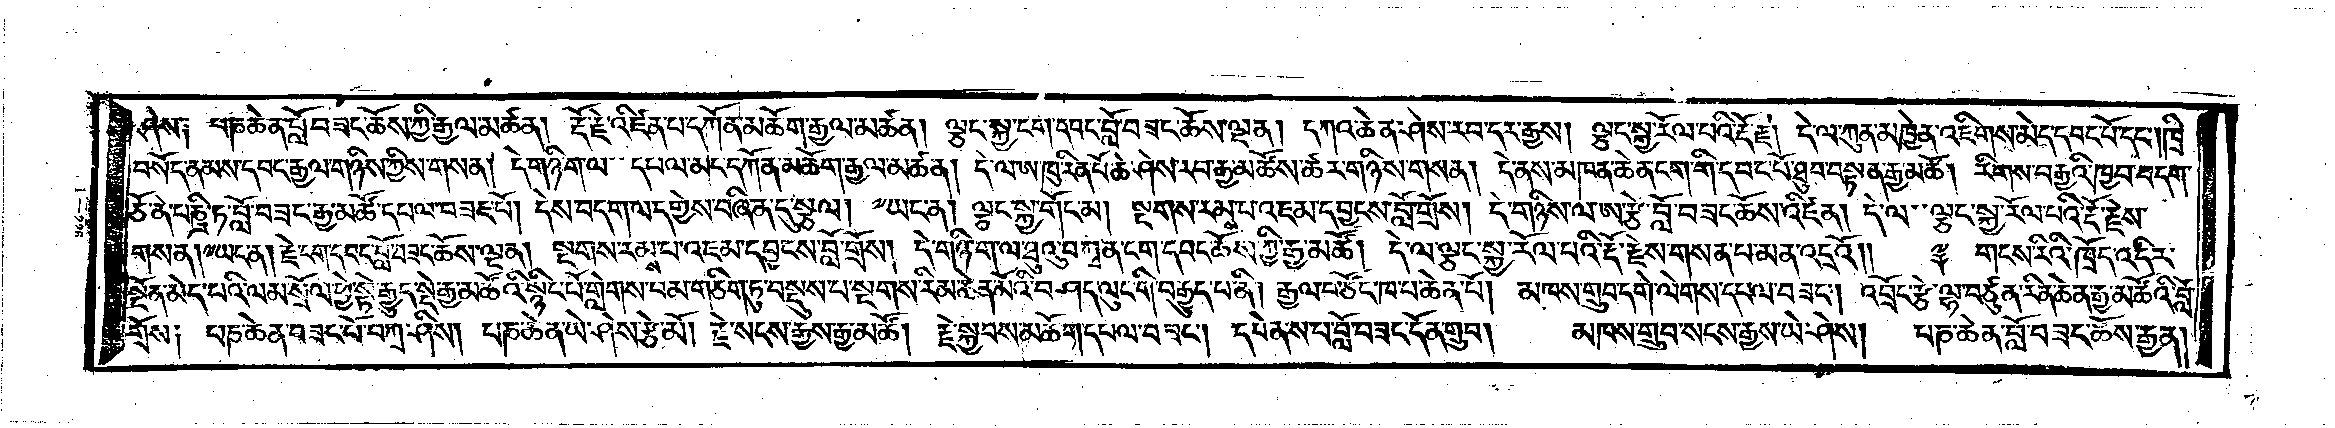ཤེས༑ པཎ་ཆེན་བློ་བཟང་ཆོས་ཀྱི་རྒྱལ་མཚན། རྡོ་རྗེ་འཛིན་པ་དཀོན་མཆོག་རྒྱལ་མཚན། ལྕང་སྐྱ་ངག་དབང་བློ་བཟང་ཆོས་ལྡན། དཀའ་ཆེན་ཤེས་རབ་དར་རྒྱས། ལྕང་སྐྱ་རོལ་པའི་རྡོ་རྗེ། དེ་ལ་ཀུན་མཁྱེན་འཇིགས་མེད་དབང་པོ་དང་།ཁྲི་
བསོད་ནམས་དབང་རྒྱལ་གཉིས་ཀྱིས་གསན། དེ་གཉི་ག་ལ་དཔལ་མང་དཀོན་མཆོག་རྒྱལ་མཚན། དེ་ལ་ཨ་ཁུ་རིན་པོ་ཆེ་ཤེས་རབ་རྒྱ་མཚོས་ཚར་གཉིས་གསན། དེ་ནས་མཁན་ཆེན་ངག་གི་དབང་པོ་ཐུབ་བསྟན་རྒྱ་མཚོ། རིགས་བརྒྱའི་ཁྱབ་བདག་
ཅོ་ནེ་པཎྜི་ཏ་བློ་བཟང་རྒྱ་མཚོ་དཔལ་བཟང་པོ། དེས་བདག་ལ་དགྱེས་བཞིན་དུ་སྩལ། ༧ཡང་ན། ལྕང་སྐྱ་གོང་མ། སྔགས་རམས་པ་འཇམ་དབྱངས་བློ་གྲོས། དེ་གཉིས་ལ་ཨ་རྩེ་བློ་བཟང་ཆོས་འཛིན། དེ་ལ་ལྕང་སྐྱ་རོལ་པའི་རྡོ་རྗེས་
གསན། ༧ཡང་ན། རྗེ་ངག་དབང་བློ་བཟང་ཆོས་ལྡན། སྔགས་རམས་པ་འཇམ་དབྱངས་བློ་གྲོས། དེ་གཉི་ག་ལ་ཐུའུ་བཀྭན་ངག་དབང་ཆོས་ཀྱི་རྒྱ་མཚོ། དེ་ལ་ལྕང་སྐྱ་རོལ་པའི་རྡོ་རྗེས་གསན་པ་མན་འདྲའོ།། འ་གངས་རིའི་ཁྲོད་འདིར་
སྔོན་མེད་པའི་ལམ་སྲོལ་ཕྱེ་སྟེ་རྒྱུད་སྡེ་རྒྱ་མཚོའི་སྙིང་པོ་གླེགས་བམ་གཅིག་ཏུ་བསྡུས་པ་སྔགས་རིམ་ཆེན་མོའི་བཤད་ལུང་གི་བརྒྱུད་པ་ནི། རྒྱལ་བ་ཙོང་ཁ་པ་ཆེན་པོ། མཁས་གྲུབ་དགེ་ལེགས་དཔལ་བཟང་། འབྲོང་རྩེ་ལྷ་བཙུན་རིན་ཆེན་རྒྱ་མཚོའི་བློ་
གྲོས༑ པཎ་ཆེན་བཟང་པོ་བཀྲ་ཤིས། པཎ་ཆེན་ཡེ་ཤེས་རྩེ་མོ། རྗེ་སངས་རྒྱས་རྒྱ་མཚོ། རྗེ་སྐྱབས་མཆོག་དཔལ་བཟང་། དཔེན་ས་པ་བློ་བཟང་དོན་གྲུབ། མཁས་གྲུབ་སངས་རྒྱས་ཡེ་ཤེས། པཎ་ཆེན་བློ་བཟང་ཆོས་རྒྱན།